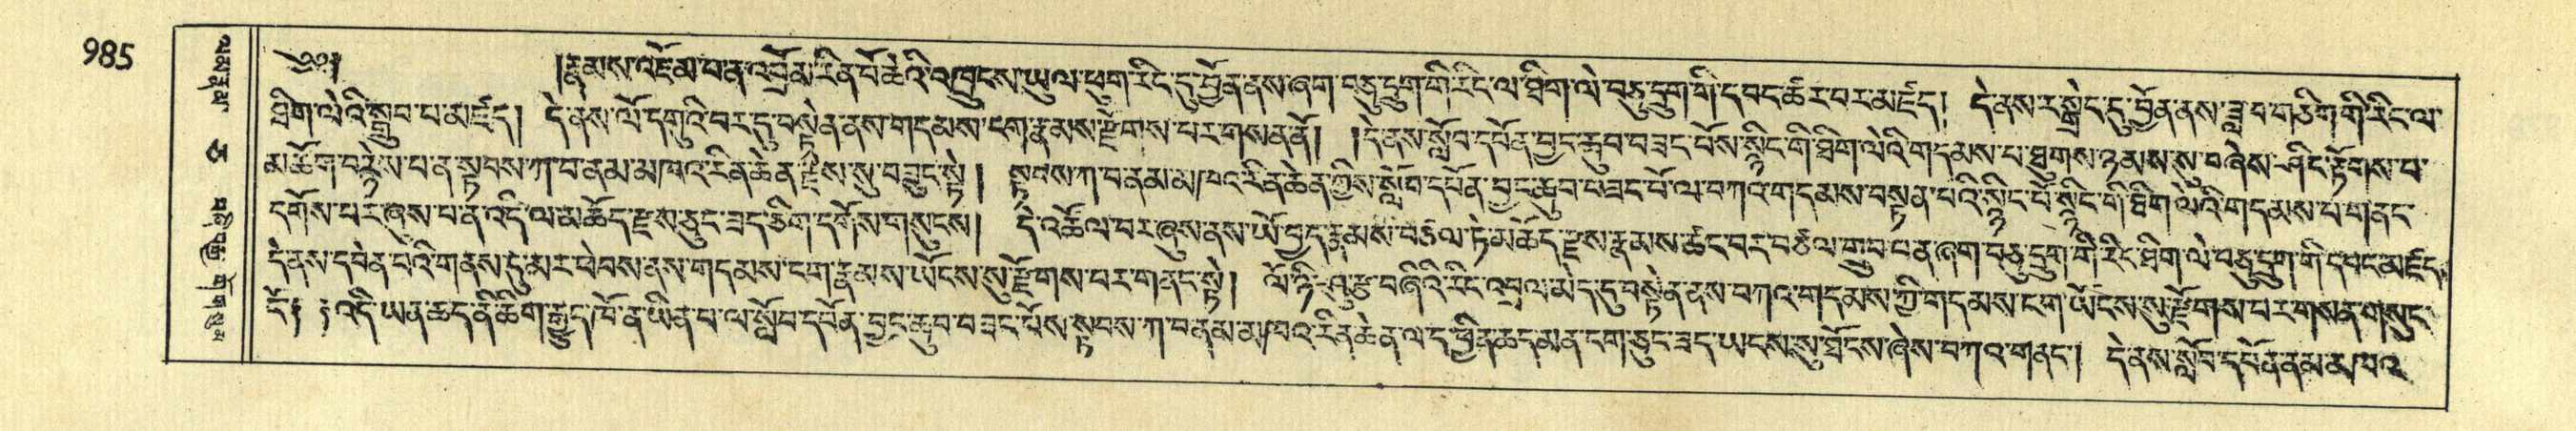༄༅། །རྣམས་འཇོམ་པ་ན་འབྲོམ་རིན་པོ་ཆེའི་འཁྲུངས་ཡུལ་ཕུག་རིང་དུ་བྱོན་ནས་ཞག་བཅུ་དྲུག་གི་རིང་ལ་ཐིག་ལེ་བཅུ་དྲུག་གི་དབང་ཚར་བར་མཛད། དེ་ནས་ར་སྒྲེང་དུ་བྱོན་ནས་ཟླ་བ་གཅིག་གི་རིང་ལ་
ཐིག་ལེའི་སྒྲུབ་པ་མཛད། དེ་ནས་ལོ་དགུའི་བར་དུ་བསྟེན་ནས་གདམས་ངག་རྣམས་རྫོགས་པར་གསན་ནོ། །དེ་ནས་སློབ་དཔོན་བྱང་ཆུབ་བཟང་པོས་སྙིང་གི་ཐིག་ལེའི་གདམས་པ་ཐུགས་ཉམས་སུ་བཞེས་ཤིང་རྟོགས་པ་
མཆོག་བརྙེས་བ་ན་སྟབས་ཀ་བ་ནམ་མཁའ་རིན་ཆེན་རྗེས་སུ་བཟུང་སྟེ། སྟབས་ཀ་བ་ནམ་མཁའ་རིན་ཆེན་གྱིས་སློབ་དཔོན་བྱང་ཆུབ་བཟང་བོ་ལ་བཀའ་གདམས་བསྟན་པའི་སྙིང་པོ་སྙིང་གི་ཐིག་ལེའི་གདམས་པ་གནང་
དགོས་པར་ཞུས་པ་ན་འདི་ལ་མཆོད་རྫས་ཅུང་ཟད་ཅིག་དགོས་གསུངས། དེ་འཚོལ་བར་ཞུས་ནས་ཡོ་བྱད་རྣམས་བཙལ་ཏེ་མཆོད་རྫས་རྣམས་ཚང་བར་བཙལ་གྲུབ་པ་ན་ཞག་བཅུ་དྲུག་གི་རིང་ཐིག་ལེ་བཅུ་དྲུག་གི་དབང་མཛད་
དེ་ནས་དབེན་པའི་གནས་དུ་མར་ཕེབས་ནས་གདམས་ངག་རྣམས་ཡོངས་སུ་རྫོགས་པར་གནང་སྟེ། ལོ་ཉི་ཤུ་རྩ་བཞིའི་རིང་འབྲལ་མེད་དུ་བསྟེན་ནས་བཀའ་གདམས་ཀྱི་གདམས་ངག་ཡོངས་སུ་རྫོགས་པར་གསན་གསུང་
ངོ༑ ༑འདི་ཡན་ཆད་ནི་ཆིག་རྒྱུད་ཁོ་ན་ཡིན་པ་ལ་སློབ་དཔོན་བྱང་ཆུབ་བཟང་པོས་སྟབས་ཀ་བ་ནམ་མཁའ་རིན་ཆེན་ལ་ད་ཕྱིན་ཆད་མན་ངག་ཅུང་ཟད་ཡངས་སུ་ཐོངས་ཞེས་བཀའ་གནང་། དེ་ནས་སློབ་དཔོན་ནམ་མཁའ་